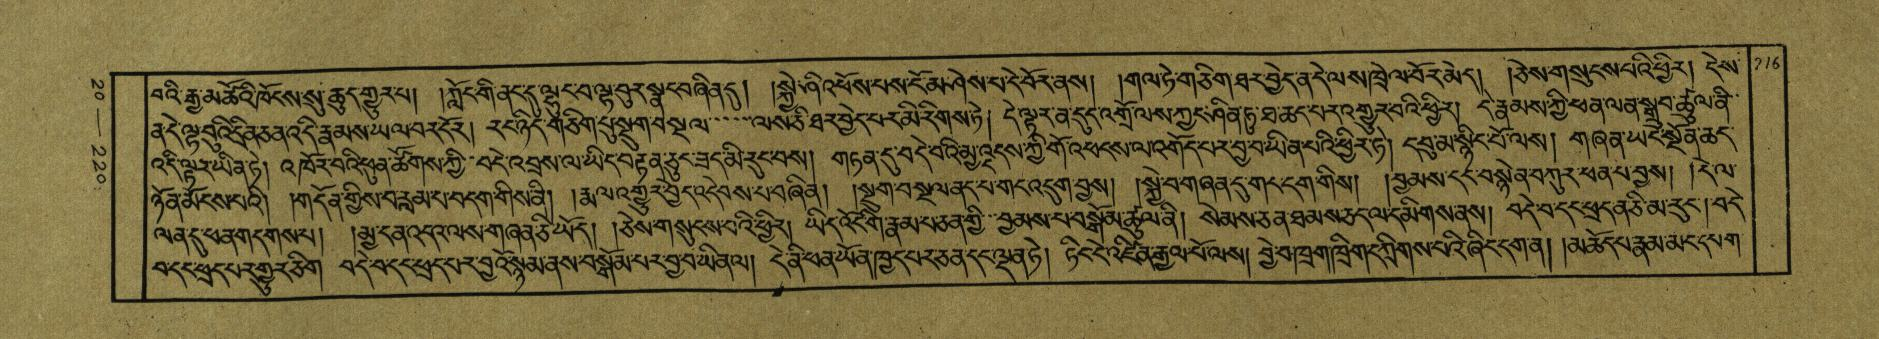བའི་རྒྱ་མཚོའི་ཁོངས་སུ་ཆུད་གྱུར་པ། །ཀློང་གི་ནང་དུ་ལྷུང་བ་ལྟ་བུར་སྣང་བཞིན་དུ། །སྐྱེ་ཤི་འཕོས་པས་ངོ་མ་ཤེས་པ་དེ་བོར་ནས། །གལ་ཏེ་གཅིག་ཐར་བྱེད་ན་དེ་ལས་ཁྲེལ་བོར་མེད། །ཅེས་གསུངས་པའི་ཕྱིར། དེས་
ན་དེ་ལྟ་བུའི་དྲིན་ཅན་འདི་རྣམས་ཡལ་བར་དོར། རང་ཉིད་གཅིག་པུ་སྡུག་བསྔལ་ལས་ཅི་ཐར་བྱེད་པར་མི་རིགས་ཏེ། དེ་ལྟར་ན་དུད་འགྲོ་ལས་ཀྱང་ཤིན་ཏུ་ཐ་ཆད་པར་འགྱུར་བའི་ཕྱིར། དེ་རྣམས་ཀྱི་ཕན་ལན་སྒྲུབ་ཚུལ་ནི་
འདི་ལྟར་ཡིན་ཏེ། འཁོར་བའི་ཕུན་ཚོགས་ཀྱི་བདེ་འབྲས་ལ་ཡིད་བརྟན་ཅུང་ཟད་མི་རུང་བས། གཏན་དུ་བདེ་བའི་མྱང་འདས་ཀྱི་གོ་འཕངས་ལ་འགོད་པར་བྱ་བ་ཡིན་པའི་ཕྱིར་ཏེ། དབུ་མ་སྙིང་པོ་ལས། གཞན་ཡང་སྔོན་ཆད་
ཉོན་མོངས་པའི། །གདོན་གྱིས་བརླམ་པ་བདག་གིས་ནི། །རྨལ་འགྱུར་བྱེད་འདེབས་པ་བཞིན། །སྡུག་བསྔལ་ནད་པ་གང་འདུག་བྱས། །སྐྱེ་བ་གཞན་དུ་གང་དག་གིས། །བྱམས་དང་བསྙེན་བཀུར་ཕན་པ་བྱས། །དེ་ལ་
ལན་དུ་ཕན་གདགས་པ། །མྱ་ངན་འདའ་ལས་གཞན་ཅི་ཡོད། །ཅེས་གསུངས་པའི་ཕྱིར། ཡིད་འོང་གི་རྣམ་པ་ཅན་གྱི་བྱམས་པ་བསྒོམ་ཚུལ་ནི། སེམས་ཅན་ཐམས་ཅད་ལ་དམིགས་ནས། བདེ་བ་དང་ཕྲད་ན་ཅི་མ་རུང་། བདེ་
བ་དང་ཕྲད་པར་གྱུར་ཅིག །བདེ་བ་དང་ཕྲད་པར་བྱའོ་སྙམ་ནས་བསྒོམ་པར་བྱ་བ་ཡིན་ལ། དེ་ནི་ཕན་ཡོན་ཁྱད་པར་ཅན་དང་ལྡན་ཏེ། ཏིང་ངེ་འཛིན་རྒྱལ་པོ་ལས། བྱེ་བ་ཁྲག་ཁྲིག་དཀྲིགས་པའི་ཞིང་དག་ན། །མཆོད་པ་རྣམ་མང་དཔག་